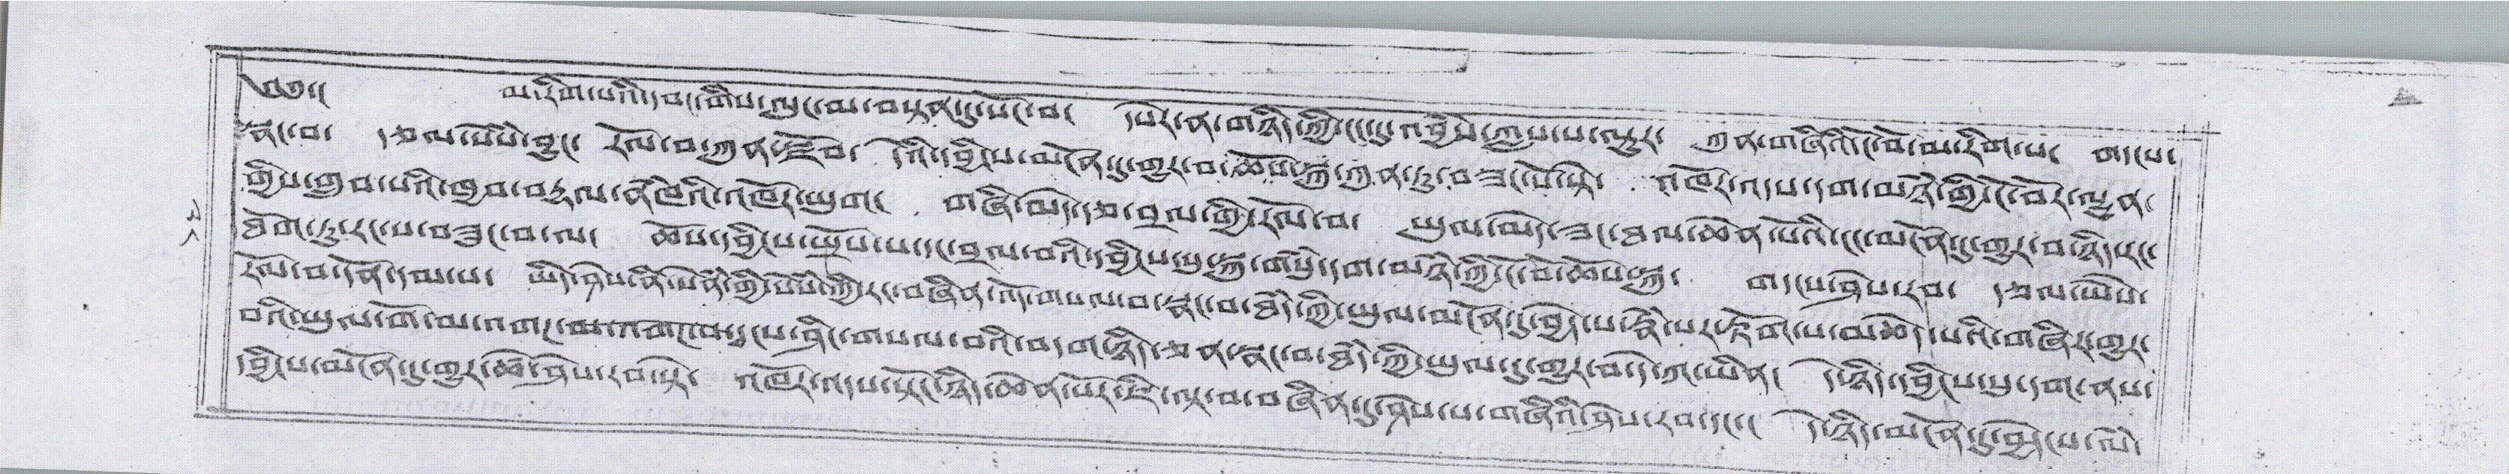མ་རིག་པའི་དབང་གིས་ལུང་མ་བསྟན་དུ་སོང་བ་དང་། དཔེར་ན། གཉིད་ཀྱི་ངང་དུ་འབྱམས་ཀླས་པ་ལྟ་བུར། ཀུན་གཞིའི་ངོ་བོ་མ་རིག་པ། གདངས་
སྣང་བ། རྩལ་སེམས་བྱུང་། རོལ་པ་ཀུན་རྫོབ། དེའི་དབྱིངས་མངོན་དུ་གྱུར་པ་ཆོས་སྐུ་ཀུན་ཏུ་བཟང་པོ་སྟེ། འཁོར་འདས་དག་མཉམ་ངོ་བོར་ལྷུན་
གྱིས་གྲུབ་པའི་ཁྱབ་བརྡལ་ནམ་མཁའི་ཁོར་ཡུག གཞི་མེད་རྩ་བྲལ་གྱི་རོལ་པ། ཡུལ་མེད་ཟང་ཐལ་ཆེན་པོའི་ངང་མངོན་དུ་གྱུར་པ་ཉིད་རང་
ཐོག་ཏུ་རང་ས་བཟུང་བ་ལ། ཆོས་དབྱིངས་སྤྲོས་པ་དང་བྲལ་བའི་དབྱིངས་སུ་སྐུ་གསུམ་དག་མཉམ་གྱི་ངོ་བོ་ཆོས་སྐུ། གདངས་ཤེས་རབ། རྩལ་ཡེ་ཤེས། 
རོལ་པ་དོན་དམ་པ། ཡིད་ཤེས་ནི་སེམས་ཅན་གྱི་སེམས་ཀྱི་རང་བཞིན་འོད་གསལ་བ་སྣང་བ་ཐམས་ཅད་ཀྱི་ཡུལ་མངོན་དུ་བྱེད་པ་རྣམ་པར་རྟོག་པ་མཆེད་པའི་གཞིར་གྱུར་
པའི་ཡུལ་གོ་མ་འགག་པ་དྭངས་ཤིང་གསལ་བའི་བདག་ཉིད་ཅན་སྣང་བ་ཐམས་ཅད་ཀྱི་ཡུལ་དུ་གྱུར་པ་དེ་ཀ་ཡིན། དེ་ཉིད་དབྱིངས་སུ་དག་ནས་
དབྱིངས་མངོན་དུ་གྱུར་ཚེ་ཤེས་རབ་སྟེ། འཁོར་འདས་སྟོང་ཉིད་ཆེན་པོར་ཇི་ལྟ་བ་བཞིན་དུ་ཤེས་པ་གཞིའི་ཤེས་རབ་དང་། དེ་ཉིད་མངོན་དུ་བྱེད་པ་ལམ་